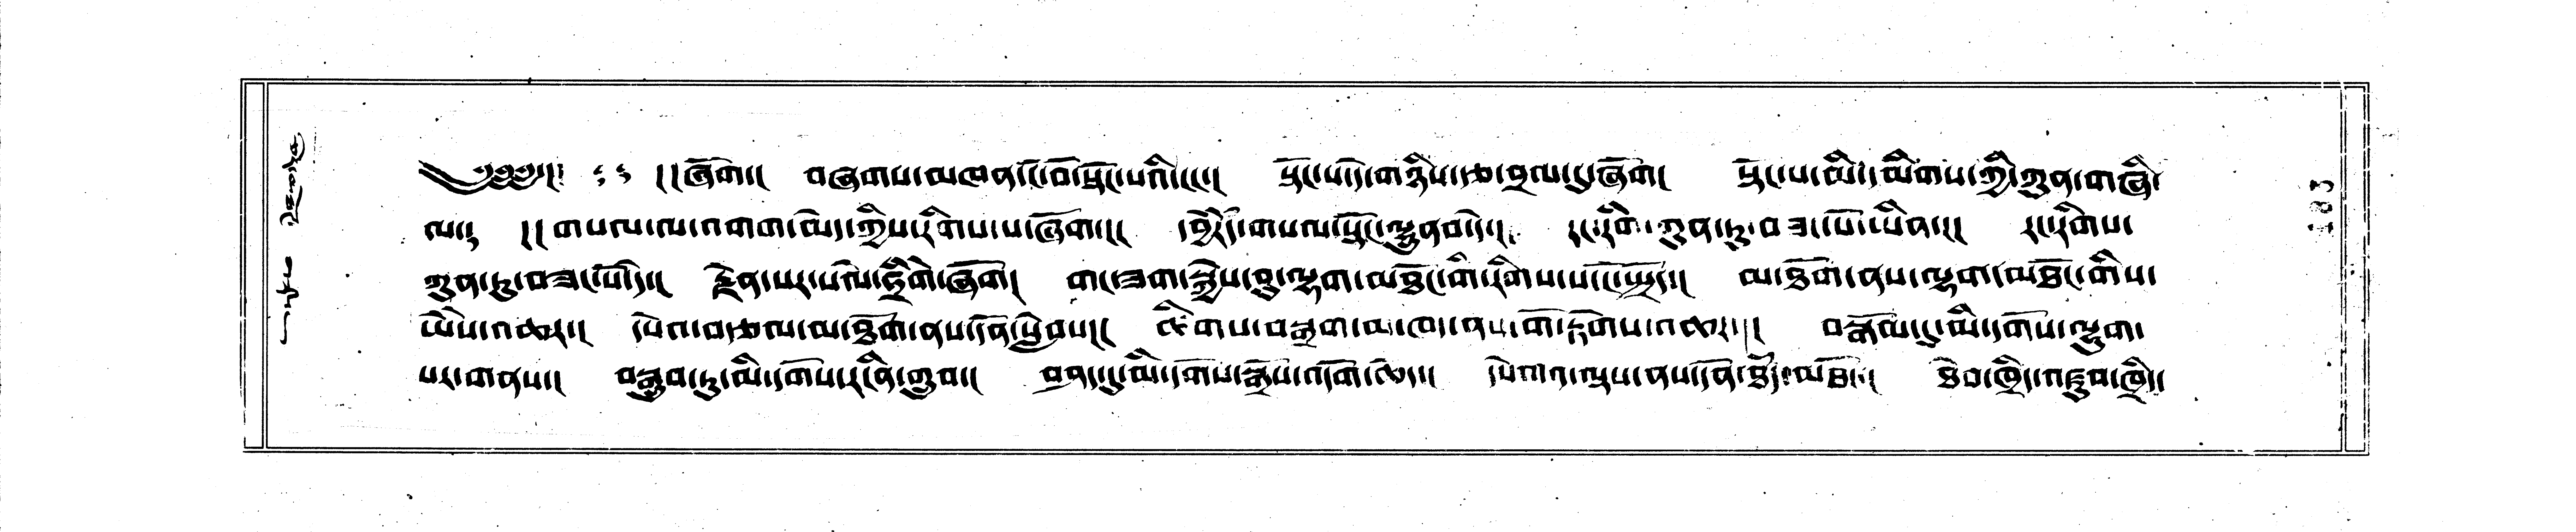ཞོག བཞག་མཁན་གྱིས་ངོའོ་སྟོང་པའི་ངང་། སྟོང་པ་དེ་ཉིད་རྩ་བྲལ་དུ་ཞོག སྟོང་ལ་མི་དམིགས་ཀྱི་ཀུན་གཞི་
ལ། གསལ་ལ་འགག་མེད་ཀྱིས་རིག་པ་ཞོག དབྱེར་མེད་གསལ་སྟོང་ལྷུན་གྲུབ་དེ། རང་རིག་ཀུན་དུ་བཟང་པོ་ཡིན། རང་རིག་
ཀུན་དུ་བཟང་པོ་དེ། རྗེན་པར་སལེ་ཧྲིག་གེ་ཞོག གང་ཟག་སྐྱེས་བུ་སྔར་སྦྱངས་ཀྱིས་རིག ངོ་སྤྲོད་མ་ཐག་ནས་ལྷག་མཐོང་གི་
ཡེ་ཤེས་འཆར། དཔེ་བཙལ་མ་ཐག་ནས་དོན་ལ་སླེབས། ཚིག་བསྒྲགས་མ་ཁད་ནས་གོ་རྟོགས་འཆར། སྒོམ་དུ་མི་དགོས་ལྷུག་
པར་གནས། བསྒྲུབ་ཏུ་མི་དགོས་རང་བཞིན་གནས། བཤད་དུ་མི་དགོས་སྒྲོས་འདོག་ཆོད། དཔེ་གཅིག་དུ་བལྟས་ན་དོན་ཐམས་ཅད་མཐོང་། ཐེབ་ཁྲིད་འཛུབ་ཁྲིད་